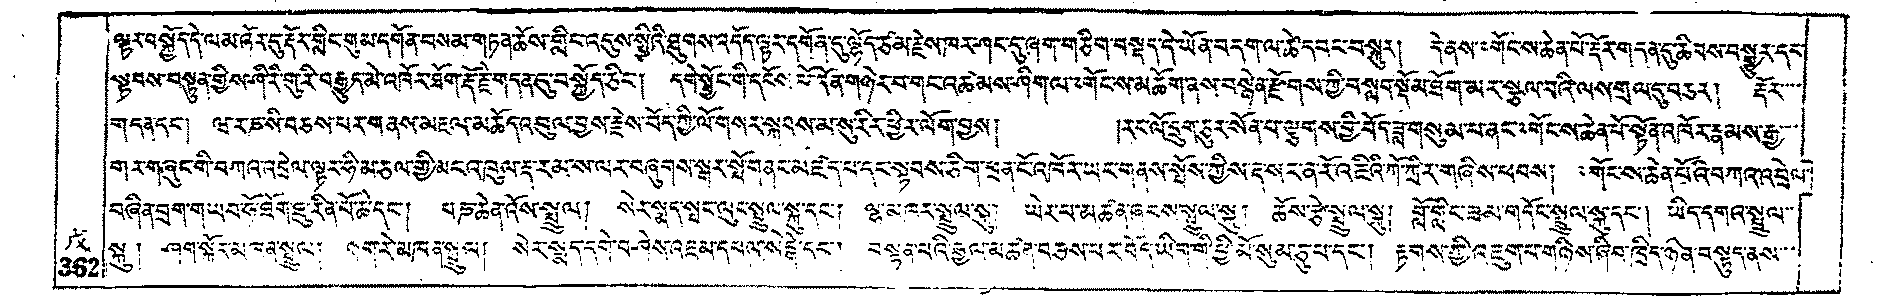ལྟར་བསྐྱོད་དེ་ལམ་ཞོར་དུ་རྡོར་གླིང་གུམ་དགོན་བསམ་གཏན་ཆོས་གླིང་འདུས་སྤྱིའི་ཐུགས་འདོད་ལྟར་དགོན་དུ་ལྷོད་ཙམ་རྗེས་ཁར་ཤང་དུ་ཞག་གཅིག་བསྡད་དེ་ཡོན་བདག་ལ་ཚེ་དབང་བསྐུར། དེ་ནས་༧གོང་ས་ཆེན་པོ་རྡོར་གདན་དུ་ཆིབས་བསྒྱུར་དང་
སྟབས་བསྟུན་གྱིས་ཤི་རི་གུ་རི་བརྒྱུད་མེ་འཁོར་ཐོག་རྡོ་རྗེ་གདན་དུ་བསྐྱོད་ཅིང་། དགེ་སྦྱོང་གི་དངོས་པོ་དོན་གཉེར་བ་གང་འཚམས་ཤིག་ལ་༧གོང་ས་མཆོག་ནས་བསྙེན་རྫོགས་ཀྱི་བསླབ་སྡོམ་ཐོག་མར་སྩལ་བའི་ལས་གྲལ་དུ་བཅར། རྡོར་
གདན་དང་། ཝ་ར་ཎ་སི་བཅས་པར་གནས་མཇལ་མཆོད་འབུལ་བྱས་རྗེས་བོད་ཀྱི་ལོ་གསར་སྐབས་མ་སུ་རིར་ཕྱིར་ལོག་བྱས། །རང་ལོ་དྲུག་ཅུར་སོན་པ་ལྕགས་བྱི་བོད་ཟླ་གསུམ་པ་ནང་༧གོང་ས་ཆེན་པོ་སྟོན་འཁོར་རྣམས་རྒྱ་
གར་གཞུང་གི་བཀའ་འབྲེལ་ལྟར་ཧི་མ་ཅལ་གྱི་མངའ་ཁུལ་རྡ་རམ་ས་ལར་བཞུགས་སྒར་སྤོ་གནང་མཛད་པ་དང་སྟབས་ཅིག་ཕྲན་ངོ་འཁོར་ཡང་གནས་སྤོས་ཀྱིས་རྡ་སར་ན་རོ་འཇིའི་ཀོ་ཀྲིར་གཞིས་ཕབས། ༧གོང་ས་ཆེན་པོའི་བཀའ་འབྲེལ་
བཞིན་བྲག་གཡབ་ཧོ་ཐོག་ཐུ་རིན་པོ་ཆེ་དང་། པཎ་ཆེན་འོས་སྤྲུལ། སེར་སྨད་སྤང་ལུང་སྤྲུལ་སྐུ་དང་། ལྷ་མཁར་སྤྲུལ་སྐུ། ཡེར་པ་མཚན་ཞབས་སྤྲུལ་སྐུ། ཆོས་རྩེ་སྤྲུལ་སྐུ། བློ་གླིང་ཟམ་གདོང་སྤྲུལ་སྐུ་དང་། ཡིད་དགའ་སྤྲུལ་
སྐུ། ཤག་སྐོར་མཁན་སྤྲུལ། ཉག་རེ་མཁན་སྤྲུལ། སེར་སྨད་དགེ་བཤེས་འཇམ་དཔལ་སེངྒེ་དང་། བསྟན་པའི་རྒྱལ་མཚན་བཅས་པར་བོད་ཡིག་གི་ཕྱི་མོ་སུམ་ཅུ་པ་དང་། རྟགས་ཀྱི་འཇུག་པ་གཉིས་ཞིབ་ཁྲིད་ཉིན་བསྟུད་ན་